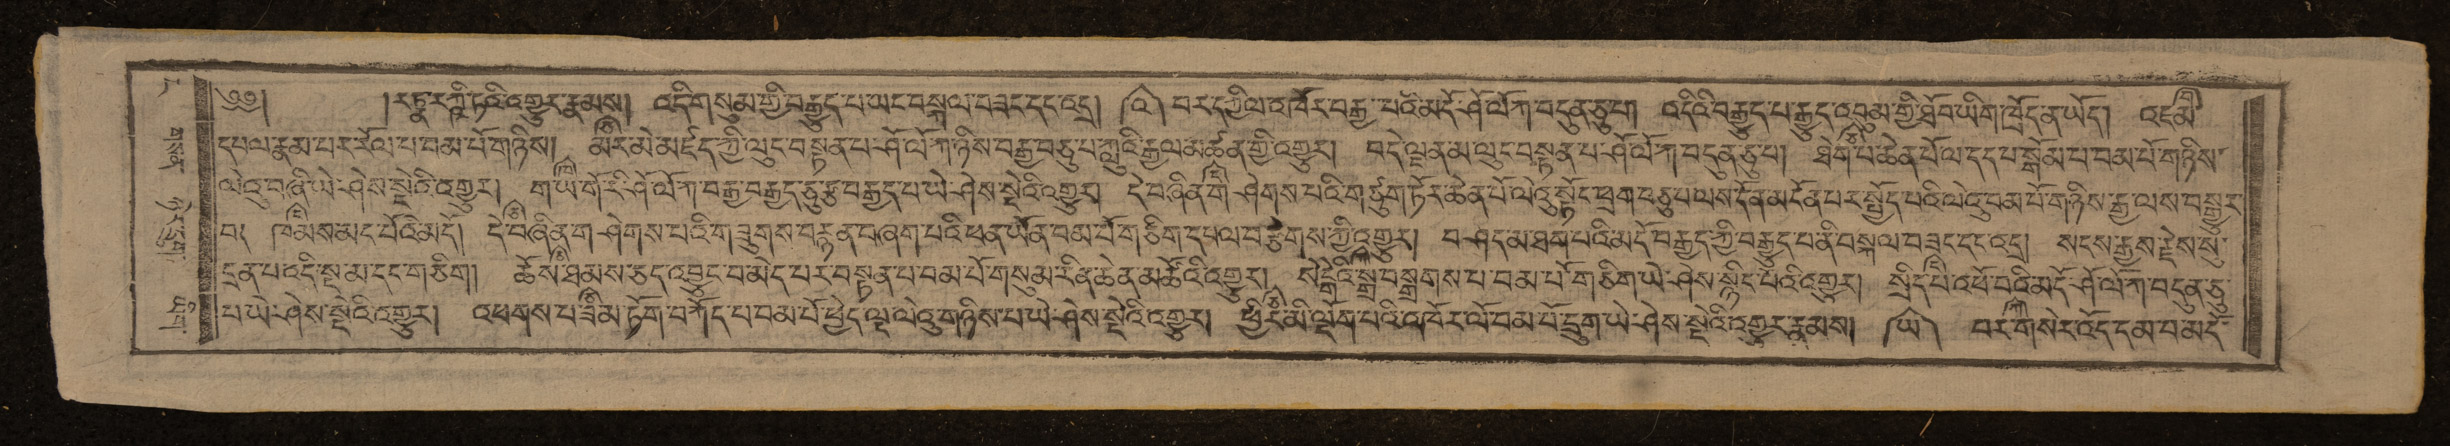༄༅། །རཏྣ་རཀྴི་ཏའི་འགྱུར་རྣམས། འདི་གསུམ་གྱི་བརྒྱུད་པ་ལང་བསྐལ་བཟང་དང་འདྲ། {འ}་བར་དཀྱིལ་འཁོར་བརྒྱ་པའི་མདོ་ཤོ་ལོ་ཀ་བདུན་ཅུ་པ། འདིའི་བརྒྱུད་པ་རྒྱུད་འབུམ་གྱི་ཐོབ་ཡིག་ཁྲོད་ན་ཡོད། འཇམ་
དཔལ་རྣམ་པར་རོལ་པ་བམ་པོ་གཉིས། མར་མེ་མཛད་ཀྱི་ལུང་བསྟན་པ་ཤོ་ལོ་ཀ་ཉིས་བརྒྱ་བཅུ་པ་ཀླུའི་རྒྱལ་མཚན་གྱི་འགྱུར། བདེ་ལྡན་མ་ལུང་བསྟན་པ་ཤོ་ལོ་ཀ་བདུན་ཅུ་པ། ཐེག་པ་ཆེན་པོ་ལ་དད་པ་སྒོམ་པ་བམ་པོ་གཉིས་
ལེའུ་བཞི་ཡེ་ཤེས་སྡེའི་འགྱུར། གཡོ་གོ་རི་ཤོ་ལོ་ཀ་བརྒྱ་བརྒྱད་ཅུ་རྩ་བརྒྱད་པ་ཡེ་ཤེས་སྡེའི་འགྱུར། དེ་བཞིན་གཤེགས་པའི་གཙུག་ཏོར་ཆེན་པོ་ལེའུ་སྟོང་ཕྲག་བཅུ་པ་ལས་དོན་མངོན་པར་སྤྱོད་པའི་ལེའུ་བམ་པོ་གཉིས་རྒྱ་ལས་བསྒྱུར་
པ༑ ཁམས་མང་པོའི་མདོ། དེ་བཞིན་གཤེགས་པའི་གཟུགས་བརྙན་བཞག་པའི་ཕན་ཡོན་བམ་པོ་གཅིག་དཔལ་བརྩེགས་ཀྱི་འགྱུར། བཤད་མ་ཐག་པའི་མདོ་བརྒྱད་ཀྱི་བརྒྱུད་བ་ནི་བསྐལ་བཟང་དེང་འདྲ། སངས་རྒྱས་རྗེས་སུ་
ངན་པ་འདི་སྔ་མ་དང་གཅིག། ཆོས་ཐམས་ཅད་འབྱུང་བ་མེད་པར་བསྟན་པ་བམ་པོ་གསུམ་རིན་ཆེན་མཚོའི་འགྱུར། སེངྒའི་སྒྲ་བསྒྲགས་པ་བམ་པོ་གཅིག་ཡེ་ཤེས་སྙིང་པོའི་འགྱུར། སྲིད་པ་འཕོ་བའི་མདོ་ཤོ་ལོ་ཀ་བདུན་ཅུ་པ་ཡེ་ཤེས་སྡེའི་འགྱུར། འཕགས་པ་ཟིམ་ཏོག་བཀོད་པ་བམ་པོ་ཕྱེད་ལྔ་ལེའུ་གཉིས་པ་ཡེ་ཤེས་སྡེའི་འགྱུར། ཕྱིར་མི་ལྡོག་པའི་འཁོར་ལོ་བམ་པོ་དྲུག་ཡེ་ཤེས་སྡེའི་འགྱུར་རྣམས། {ཡ}་པར་གསེར་འོད་དམ་པ་མདོ་